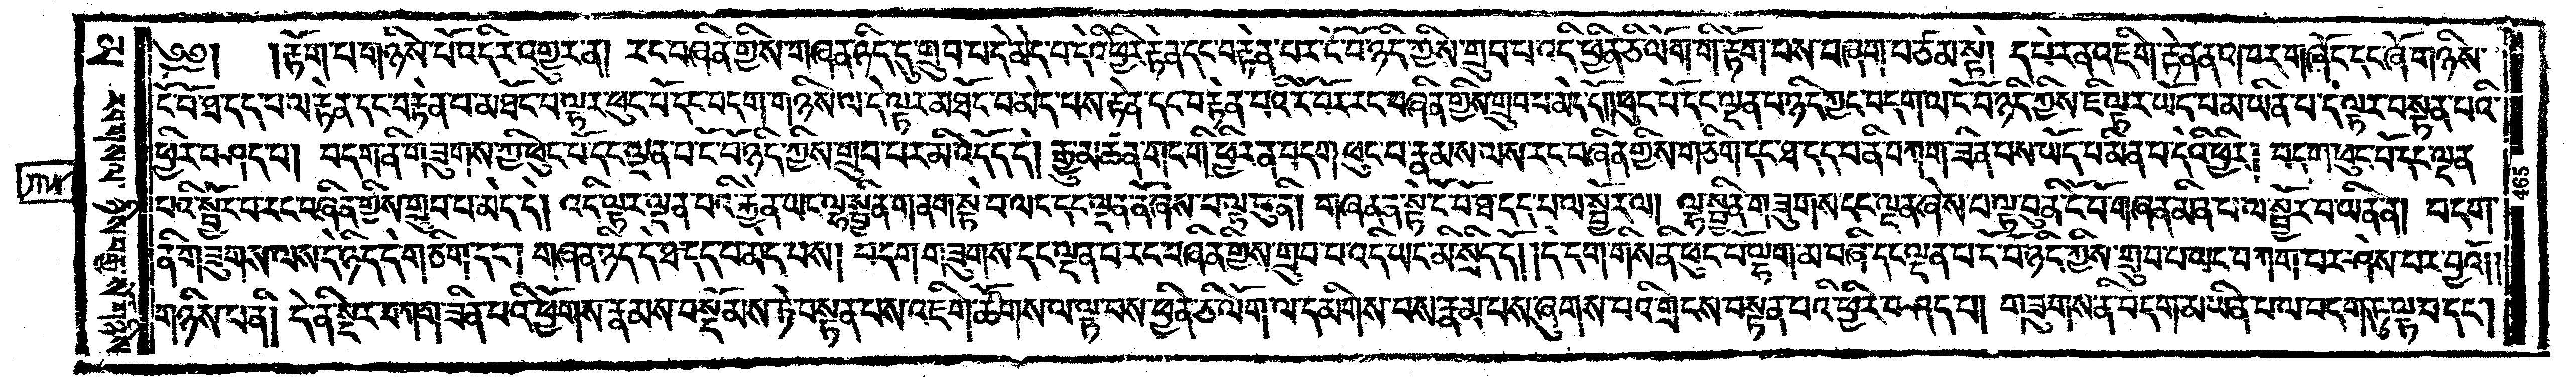༄༅། །རྟོག་པ་གཉིས་པོ་འདིར་འགྱུར་ན། རང་བཞིན་གྱིས་གཞན་ཉིད་དུ་གྲུབ་པ་དེ་མེད་པ་དེའི་ཕྱིར་རྟེན་དང་བརྟེན་པར་ངོ་བོ་ཉིད་ཀྱིས་གྲུབ་པ་འདི་ཕྱིན་ཅི་ལོག་གི་རྟོག་པས་བཞག་པ་ཙམ་སྟེ། དཔེར་ན་འཇིག་རྟེན་ན་འཁར་གཞོང་དང་ཞོ་གཉིས་
ངོ་བོ་ཐ་དད་པ་ལ་རྟེན་དང་བརྟེན་པ་མཐོང་བ་ལྟར་ཕུང་པོ་དང་བདག་གཉིས་ལ་དེ་ལྟར་མཐོང་བ་མེད་པས་རྟེན་དང་བརྟེན་པའི་ངོ་བོར་རང་བཞིན་གྱིས་གྲུབ་པ་མེད་དོ། །ཕུང་པོ་དང་ལྡན་པ་ཉིད་ཀྱང་བདག་ལ་ངོ་བོ་ཉིད་ཀྱིས་ཇི་ལྟར་ཡོད་པ་མ་ཡིན་པ་དེ་ལྟར་བསྟན་པའི་
ཕྱིར་བཤད་པ། བདག་ནི་གཟུགས་ཀྱི་ཕུང་པོ་དང་ལྡན་པ་ངོ་བོ་ཉིད་ཀྱིས་གྲུབ་པར་མི་འདོད་དེ། རྒྱུ་མཚན་གང་གི་ཕྱིར་ན་བདག་ཕུང་པོ་རྣམས་ལས་རང་བཞིན་གྱིས་གཅིག་དང་ཐ་དད་པ་ནི་བཀག་ཟིན་པས་ཡོད་པ་མིན་པ་དེའི་ཕྱིར། བདག་ཕུང་པོ་དང་ལྡན་
པའི་སྦྱོར་བ་རང་བཞིན་གྱིས་གྲུབ་པ་མེད་དེ། འདི་ལྟར་ལྡན་པའི་རྐྱེན་ཡང་ལྷ་སྦྱིན་གནག་སྟེ་བ་ལང་དང་ལྡན་ནོ་ཞེས་པ་ལྟ་བུ་ནི། གཞན་ན་སྟེ་ངོ་བོ་ཐ་དད་པ་ལ་སྦྱོར་ལ། ལྷ་སྦྱིན་གཟུགས་དང་ལྡན་ཞེས་པ་ལྟ་བུ་ནི་ངོ་བོ་གཞན་མིན་པ་ལ་སྦྱོར་བ་ཡིན་ན། བདག་
ནི་གཟུགས་ལས་དེ་ཉིད་དེ་གཅིག་དང་། གཞན་ཉིད་དེ་ཐ་དད་པ་མེད་པས། བདག་གཟུགས་དང་ལྡན་པ་རང་བཞིན་གྱིས་གྲུབ་པ་འདི་ཡང་མི་སྲིད་དོ། །དེ་དག་གིས་ནི་ཕུང་པོ་ལྷག་མ་བཞི་དང་ལྡན་པ་ངོ་བོ་ཉིད་ཀྱིས་གྲུབ་པ་ཡང་བཀག་པར་ཤེས་པར་བྱའོ།།
གཉིས་པ་ནི། ད་ནི་སྔར་བཀག་ཟིན་པའི་ཕྱོགས་རྣམས་བསྡོམས་ཏེ་བསྟན་པས་འཇིག་ཚོགས་ལ་ལྟ་བས་ཕྱིན་ཅི་ལོག་ལ་དམིགས་པས་རྣམ་པས་ཞུགས་པའི་གྲངས་བསྟན་པའི་ཕྱིར་བཤད་པ། གཟུགས་ནི་བདག་མ་ཡིན་པ་ལ་བདག་ཏུ་ལྟ་བ་དང་།